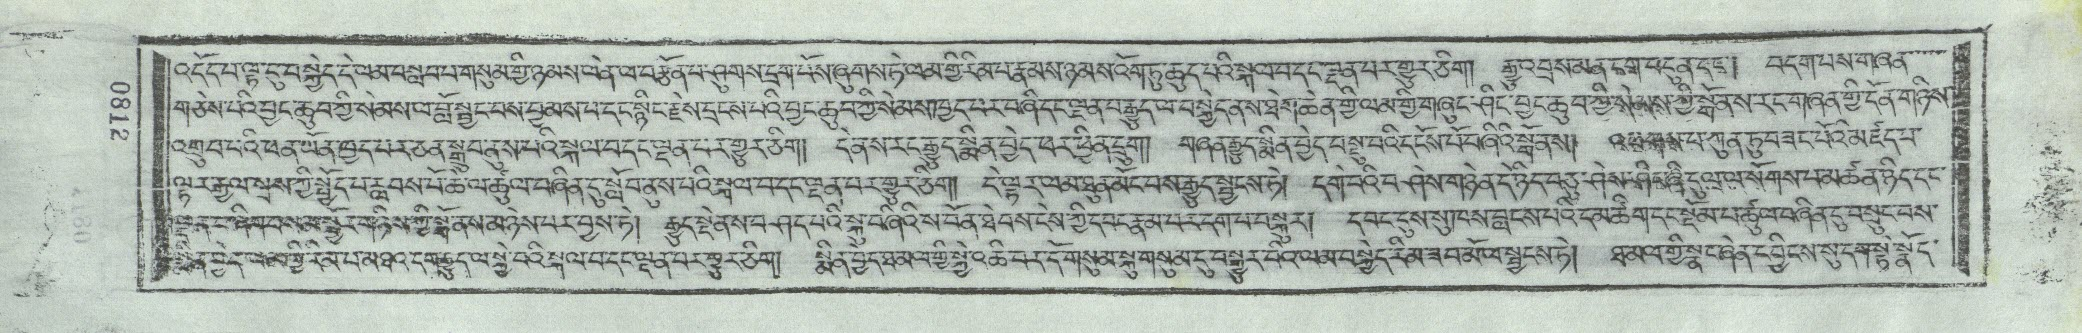འདོད་པ་ལྟ་བུ་བསྐྱེད་དེ་ལམ་བསླབ་པ་གསུམ་གྱི་ཉམས་ལེན་ལ་བརྩོན་པ་ཤུགས་དྲག་པོས་ཞུགས་ཏེ་ལམ་གྱི་རིམ་པ་རྣམས་ཉམས་འོག་ཏུ་ཆུད་པའི་སྐལ་བ་དང་ལྡན་པར་གྱུར་ཅིག །རྒྱུ་འབྲས་མན་ངག་བདུན་དང་། བདག་པས་གཞན་
གཅེས་པའི་བྱང་ཆུབ་ཀྱི་སེམས་ལ་བློ་སྦྱང་བས་བྱམས་པ་དང་སྙིང་རྗེས་དྲངས་པའི་བྱང་ཆུབ་ཀྱི་སེམས་ཁྱད་པར་བཞི་དང་ལྡན་པ་རྒྱུད་ལ་བསྐྱེད་ནས་ཐེག་ཆེན་གྱི་ལམ་གྱི་གཞུང་ཞིང་བྱང་ཆུབ་ཀྱི་སེམས་ཀྱི་སྒོ་ནས་རང་གཞན་གྱི་དོན་གཤིས?
འགྲུབ་པའི་ཕན་ཡོན་ཁྱད་པར་ཅན་སྒྲུབ་ནུས་པའི་སྐལ་བ་དང་ལྡན་པར་གྱུར་ཅིག །དེ་ནས་རང་རྒྱུད་སྨིན་བྱེད་ཕར་ཕྱིན་དྲུག། གཞན་རྒྱུད་སྨིན་བྱེད་བསྡུ་བའི་དངོས་པོ་བཞིའི་སྒོ་ནས། འཕགས་པ་ཀུན་ཏུ་བཟང་པོའི་མཛད་པ་
ལྟར་རྒྱས་སྲས་ཀྱི་སྤྱོད་པ་རླབས་པོ་ཆེ་ལ་ཚུལ་བཞིན་དུ་སློབ་ནུས་པའི་སྐལ་བ་དང་ལྡན་པར་གྱུར་ཅིག། དེ་ལྟར་ལམ་ཐུན་མོང་བས་རྒྱུད་སྤྱངས་ཏེ། དགེ་བའི་བཤེས་གཉེན་དེ་ཉིད་བཅུ་ཤེས་ཤིང་ཞི་དུལ་ལ་སོགས་པ་མཚན་ཉིད་པ་
ལྡན་པ་ཞིག་བསམ་སྦྱོར་གཉིས་ཀྱི་སྒོ་ནས་མཉེས་པར་བྱས་ཏེ། རྒྱུད་སྡེ་ནས་བཤད་པའི་སྐུ་བཞིའི་ས་བོན་ཐེབས་ངེས་ཀྱི་དབང་རྣམ་པར་དག་པར་བསྐུར། དབང་དུས་སུ་ཁས་བླངས་པའི་དམ་ཚིག་དང་སྡོམ་པ་ཚུལ་བཞིན་དུ་བསྲུང་བས་
སྨིན་བྱེད་ལམ་གྱི་རིམ་པ་མཐའ་དག་རྒྱུད་ལ་སྐྱེ་བའི་སྐལ་བ་དང་ལྡན་པར་གྱུར་ཅིག །སྨིན་བྱེད་ཐ་མལ་གྱི་སྐྱེ་འཆི་བར་དོ་གསུམ་སྐུ་གསུམ་དུ་བསྒྱུར་བའི་ལམ་བསྐྱེད་རིམ་ཟབ་མོ་ལ་སྦྱངས་ཏེ། ཐ་མལ་གྱི་སྣང་ཞེན་དབྱིངས་སུ་དག་སྟེ་སྣོས?